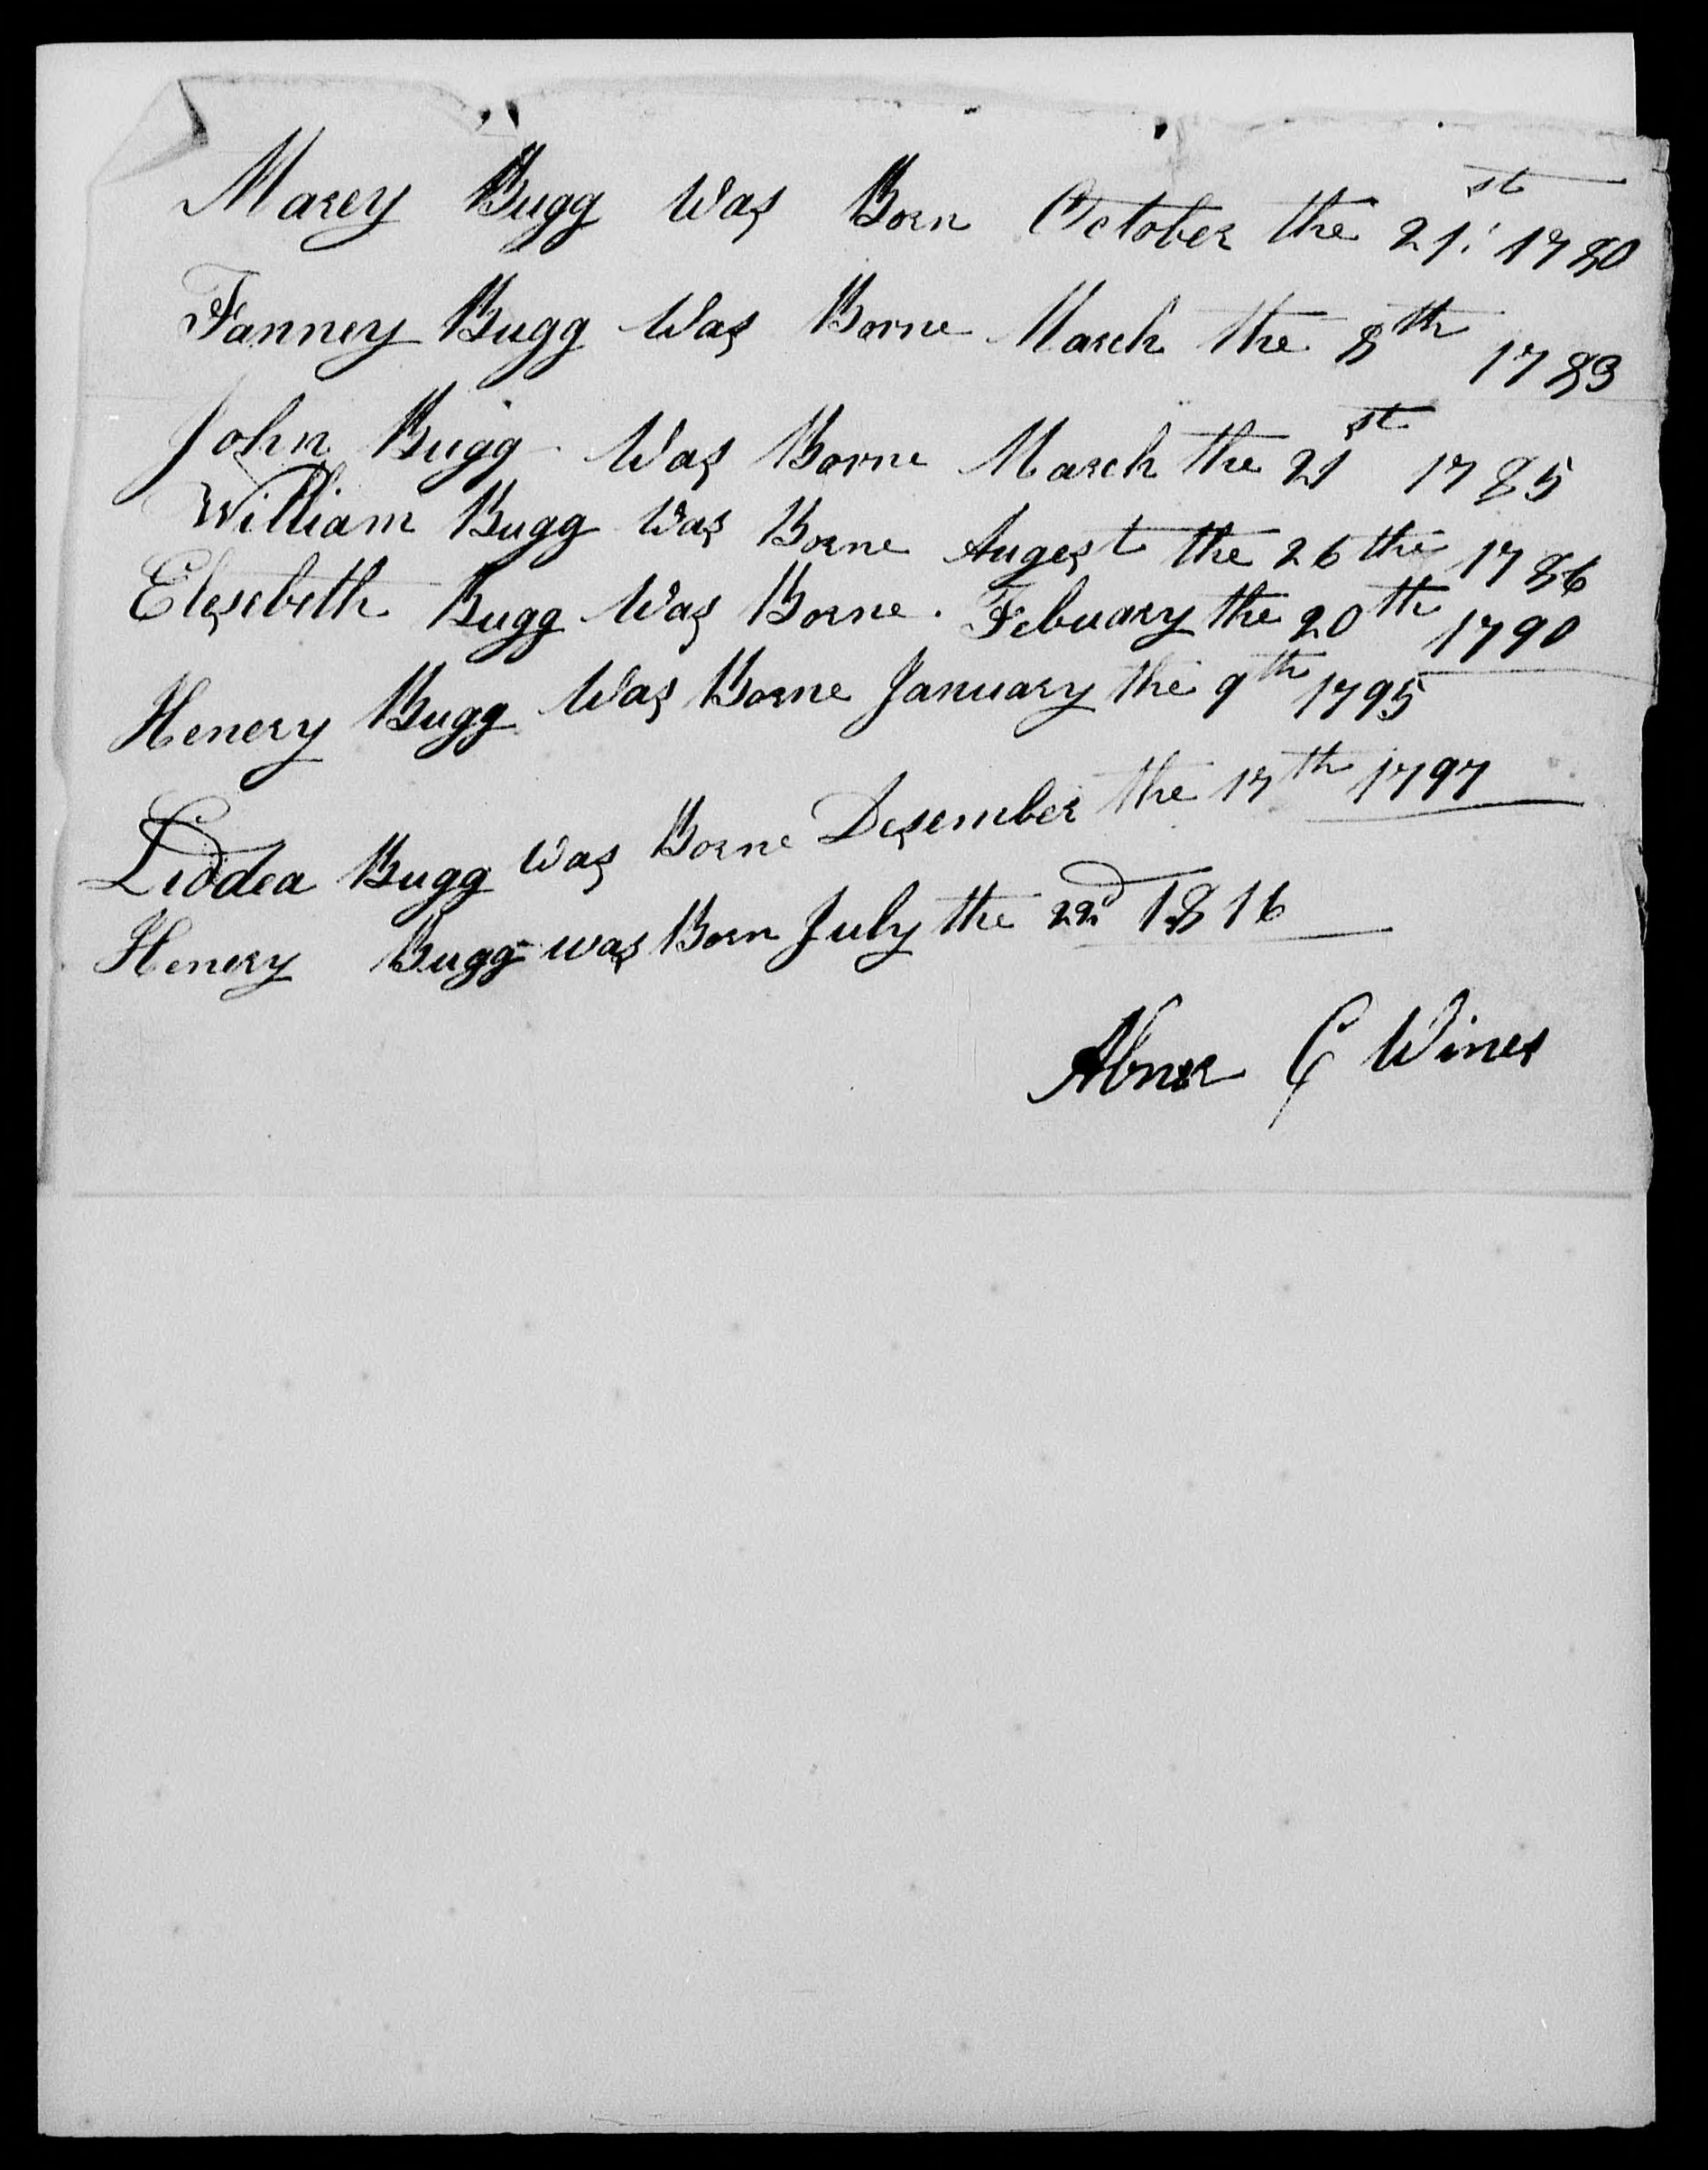Mary Bugg Was Born October the 21st 1780
Fanney Bugg Was Borne March the 8th 1783 [Handwriting of date could also be read as 1789, but based on date progression in this list, it probably was 1783]
John Bugg [or Brigg] Was Borne March the 21st 1785
William Bugg Was Borne Augest the 26th the 1786
Elesebeth [or Elisebeth]  Bugg Was Borne. Febuary the 20th 1790
Henery Bugg Was Borne January the 9th 1795
Liddea Bugg Was Borne Desember the 17th 1797
Henery Bugg Was Born July the 22nd 1816

Abner C Wines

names: Elizabeth Bugg, Henery Bugg, Liddea Bugg, William Bugg, Fanney Bugg, Abner C Wines, Marey Bugg, John Bugg, Henery Bugg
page: 9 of 50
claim: widow's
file: W. 898, William Bugg, N.C.